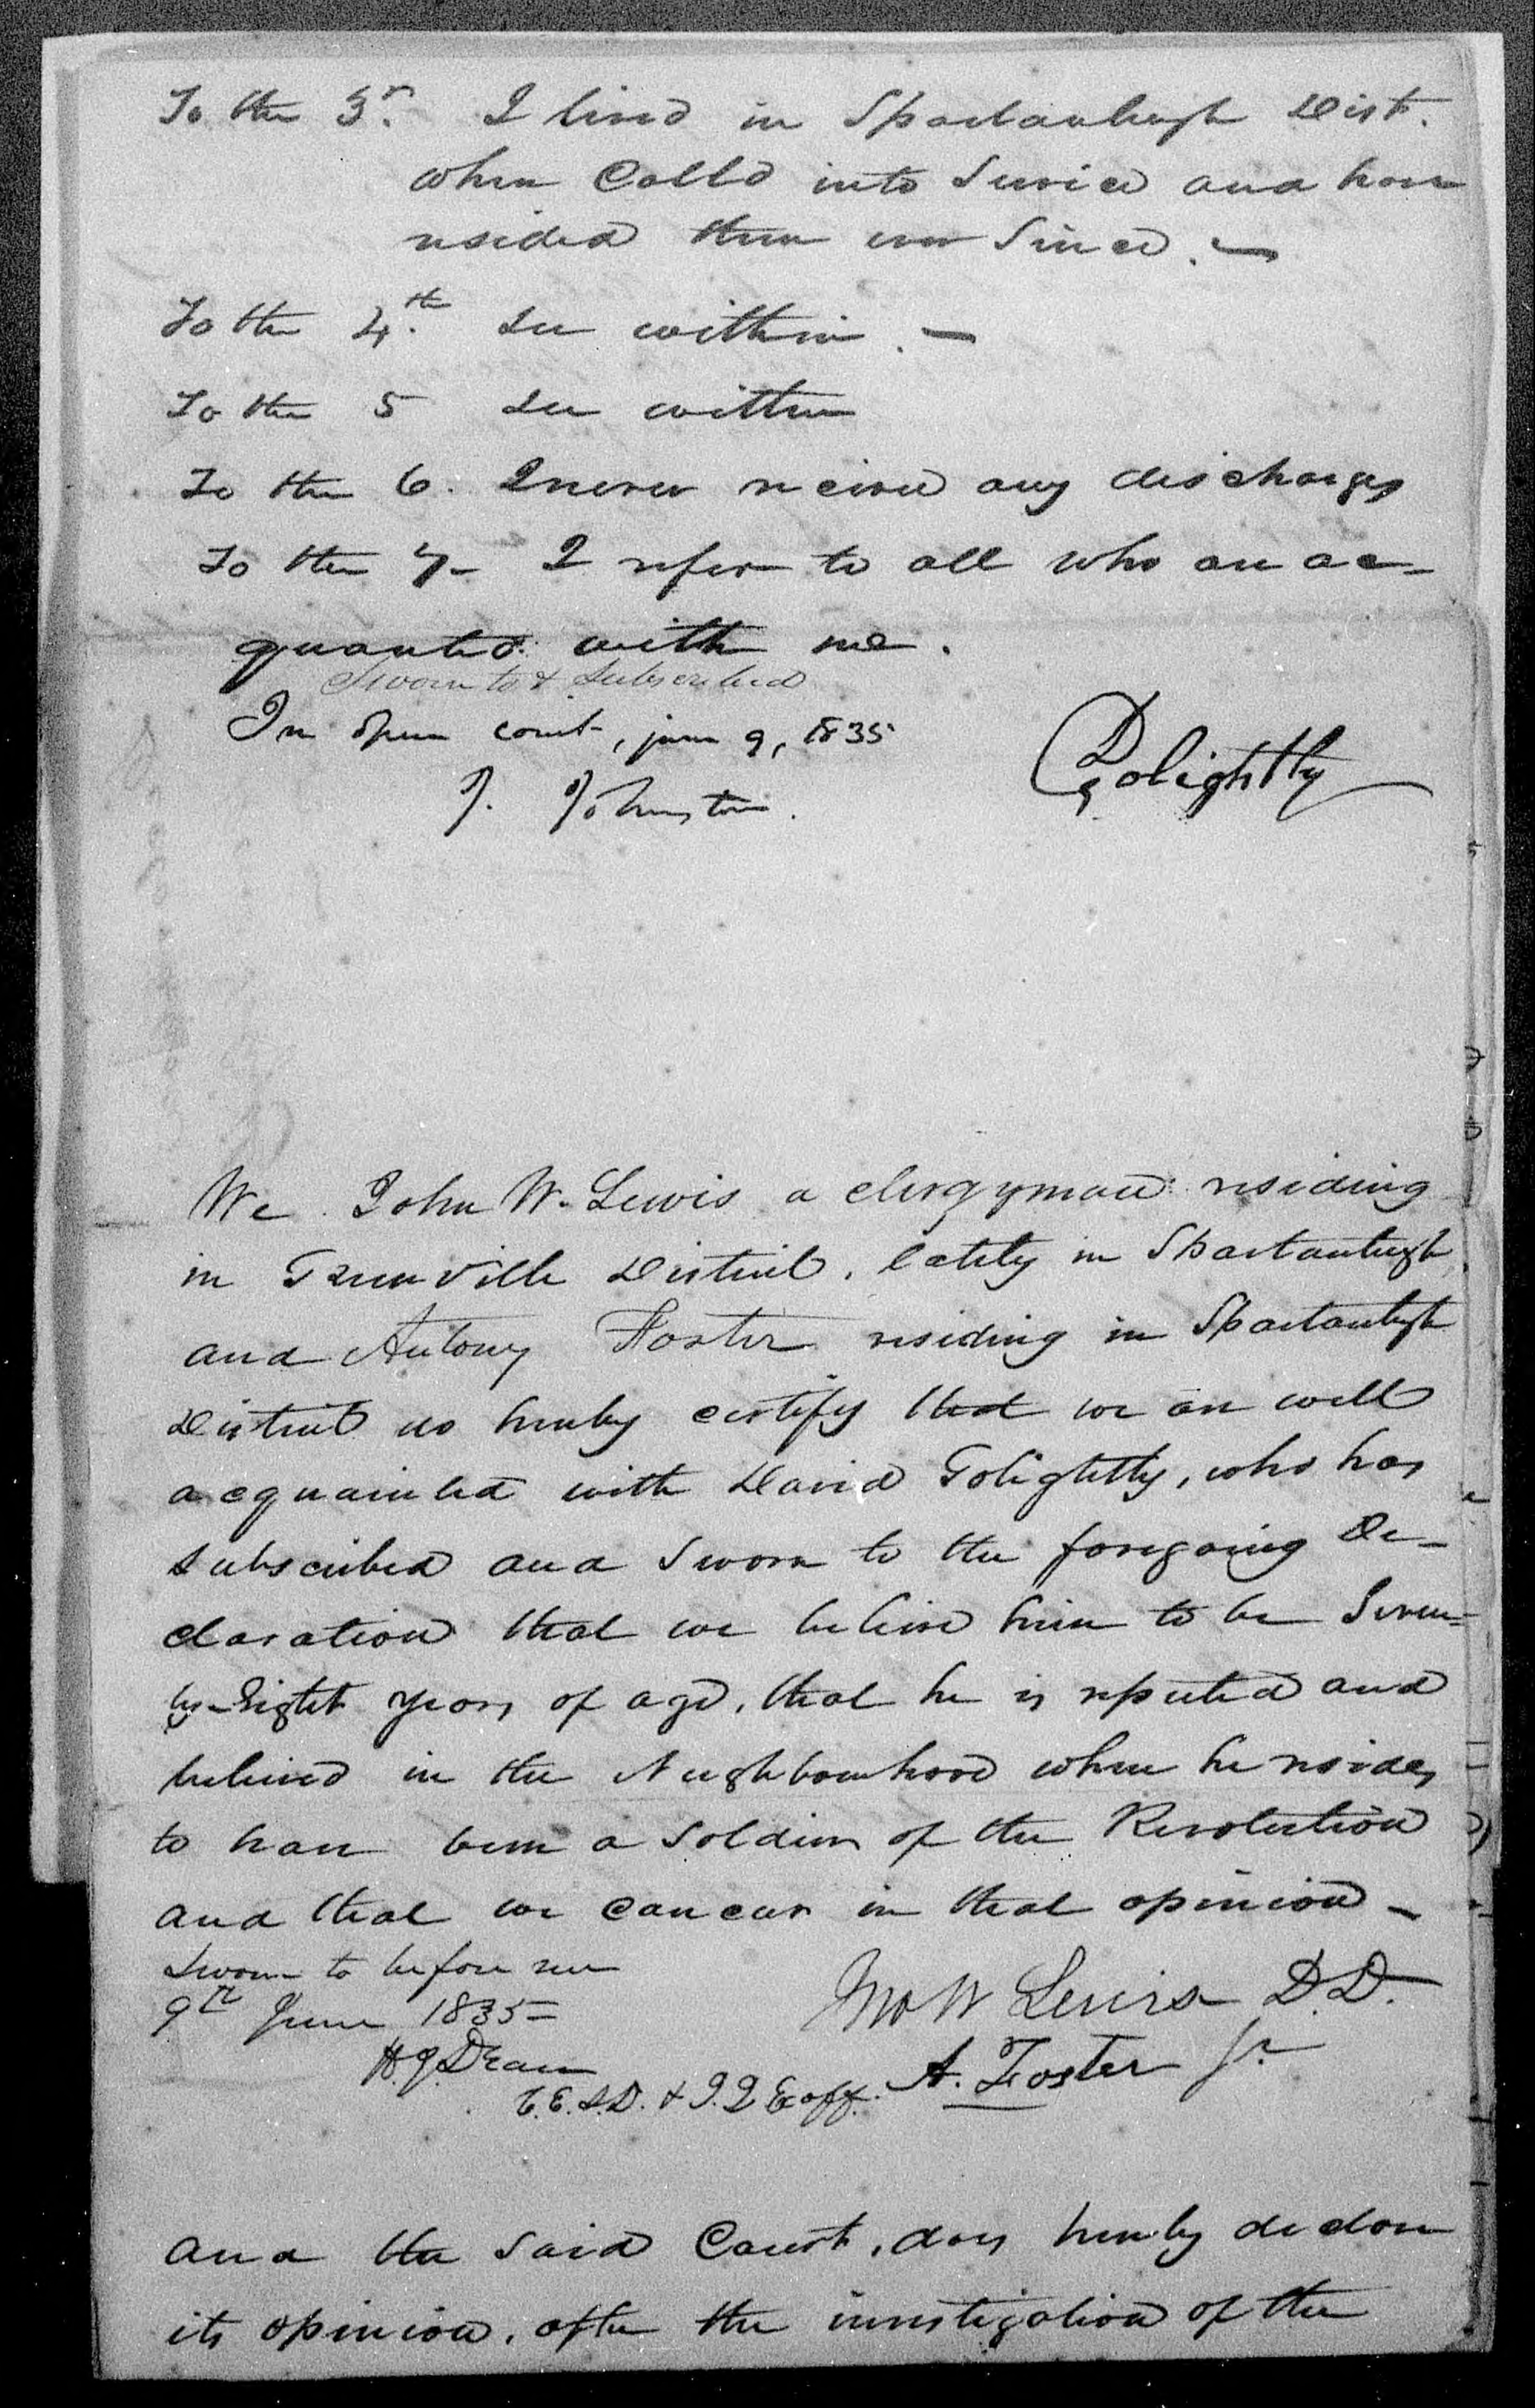To the 3rd I lived in Spartanbugh but when calld into service and have resided there ever since. -  

To the 4th In within. - 

To the 5 In within 

To the 6 I never receive any discharge 

To the 7 – I refer to all who are acquainted with me. 

Sworn to + subscribed 

In open court, june 9, 1835 

[signature] J. Johnston  

[signature] D Golightly 

Mr John W. Lewis a clergyman residing in Greenville District, lately in Spartanbugh and Antony Foster residing in Spartanbugh District we hereby certify that we are well acquainted with David Golightly, who has subscribed and sworn to the forgoing declaration that we believe him to be seventy-eight years of age, that he is reputed and belived in the Neighbourhood where he resides to have been a soldier of the Revolution and that we concur in that opinion -  

Sworn to before me 

9th June 1835= 

[signature] H. J. Dean 

[signature] Jno W Lewis 

[signature] A. Foster Jr 

[signature] D.D. 

[signature] T.E.S.D. + J.J Ecoff 

And the said Court, does hereby declare its opinion, after the investigation of the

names: J Johnston, A Foster, Jno W Lewis, David Golightly, John W Lewis, H J Dean, Antony Foster, D Golightly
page: 5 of 57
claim: survivor's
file: S. 18888, David Golightly, S.C.